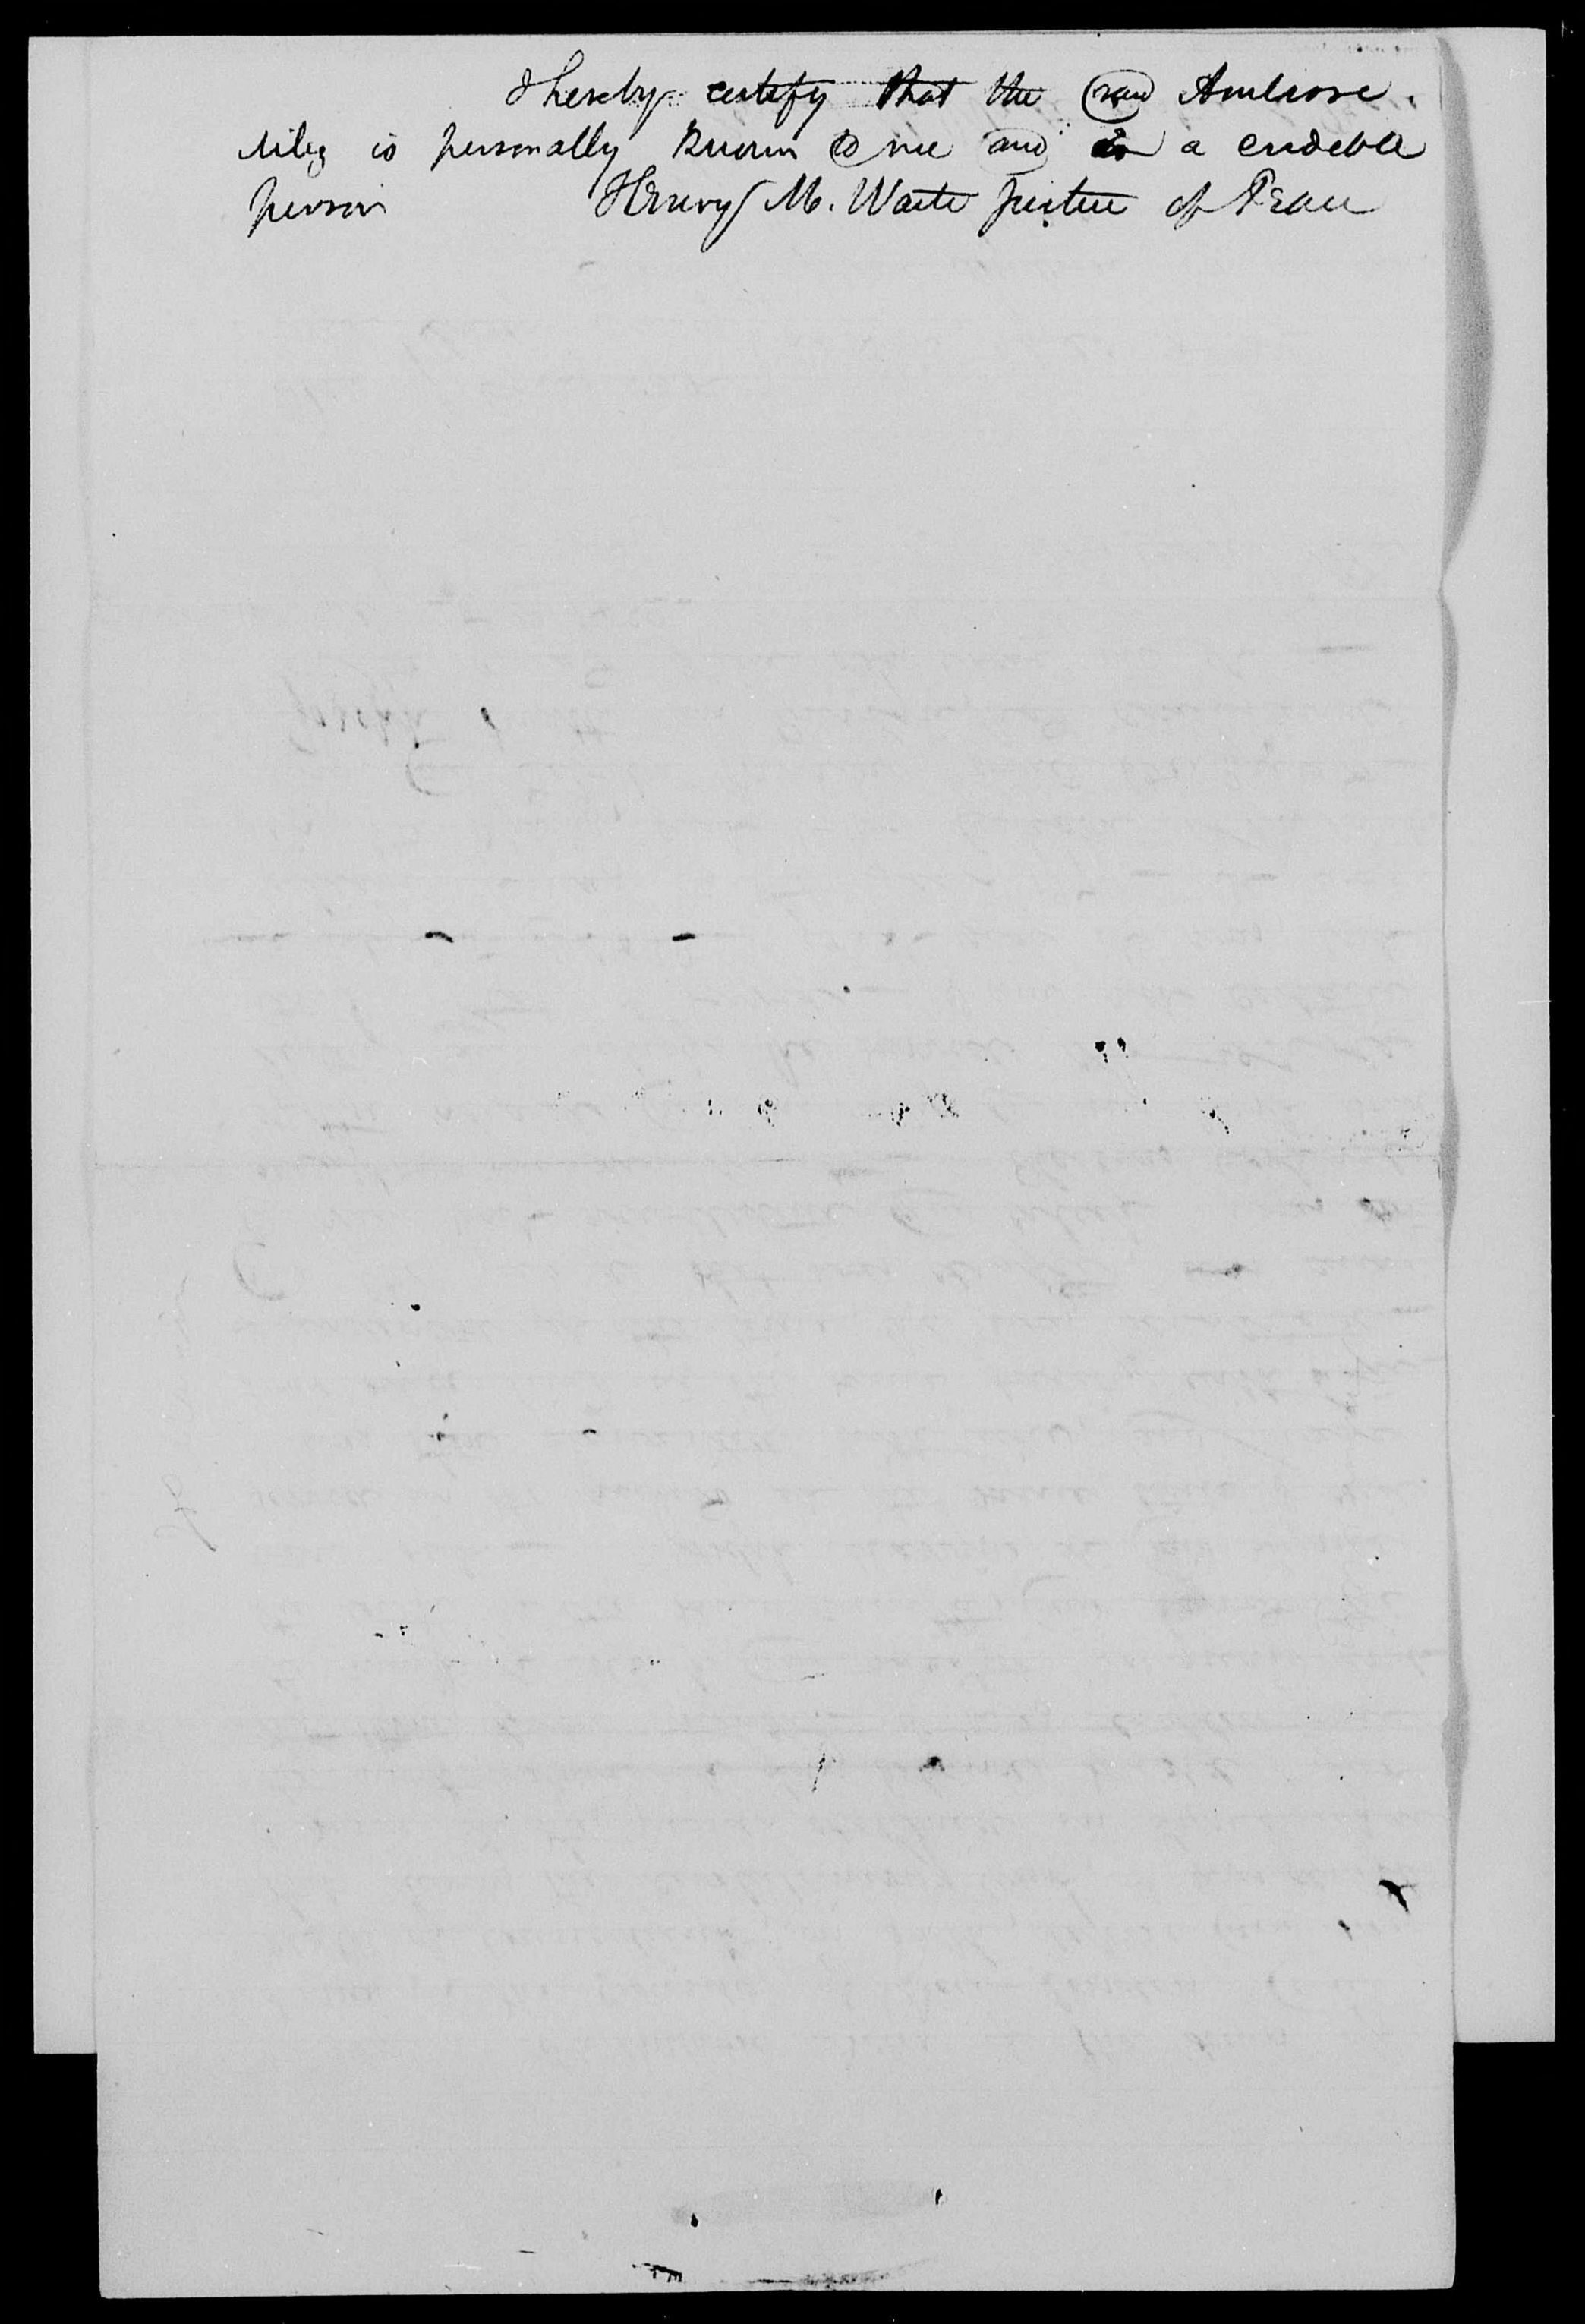I hereby certify that the said Ambrose Lily is personally know to me and to a credible person.

Henry M. Waite   Justice of the Peace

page: 12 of 20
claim: survivor's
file: S. 15,516, for Joseph Marvin, Connecticut